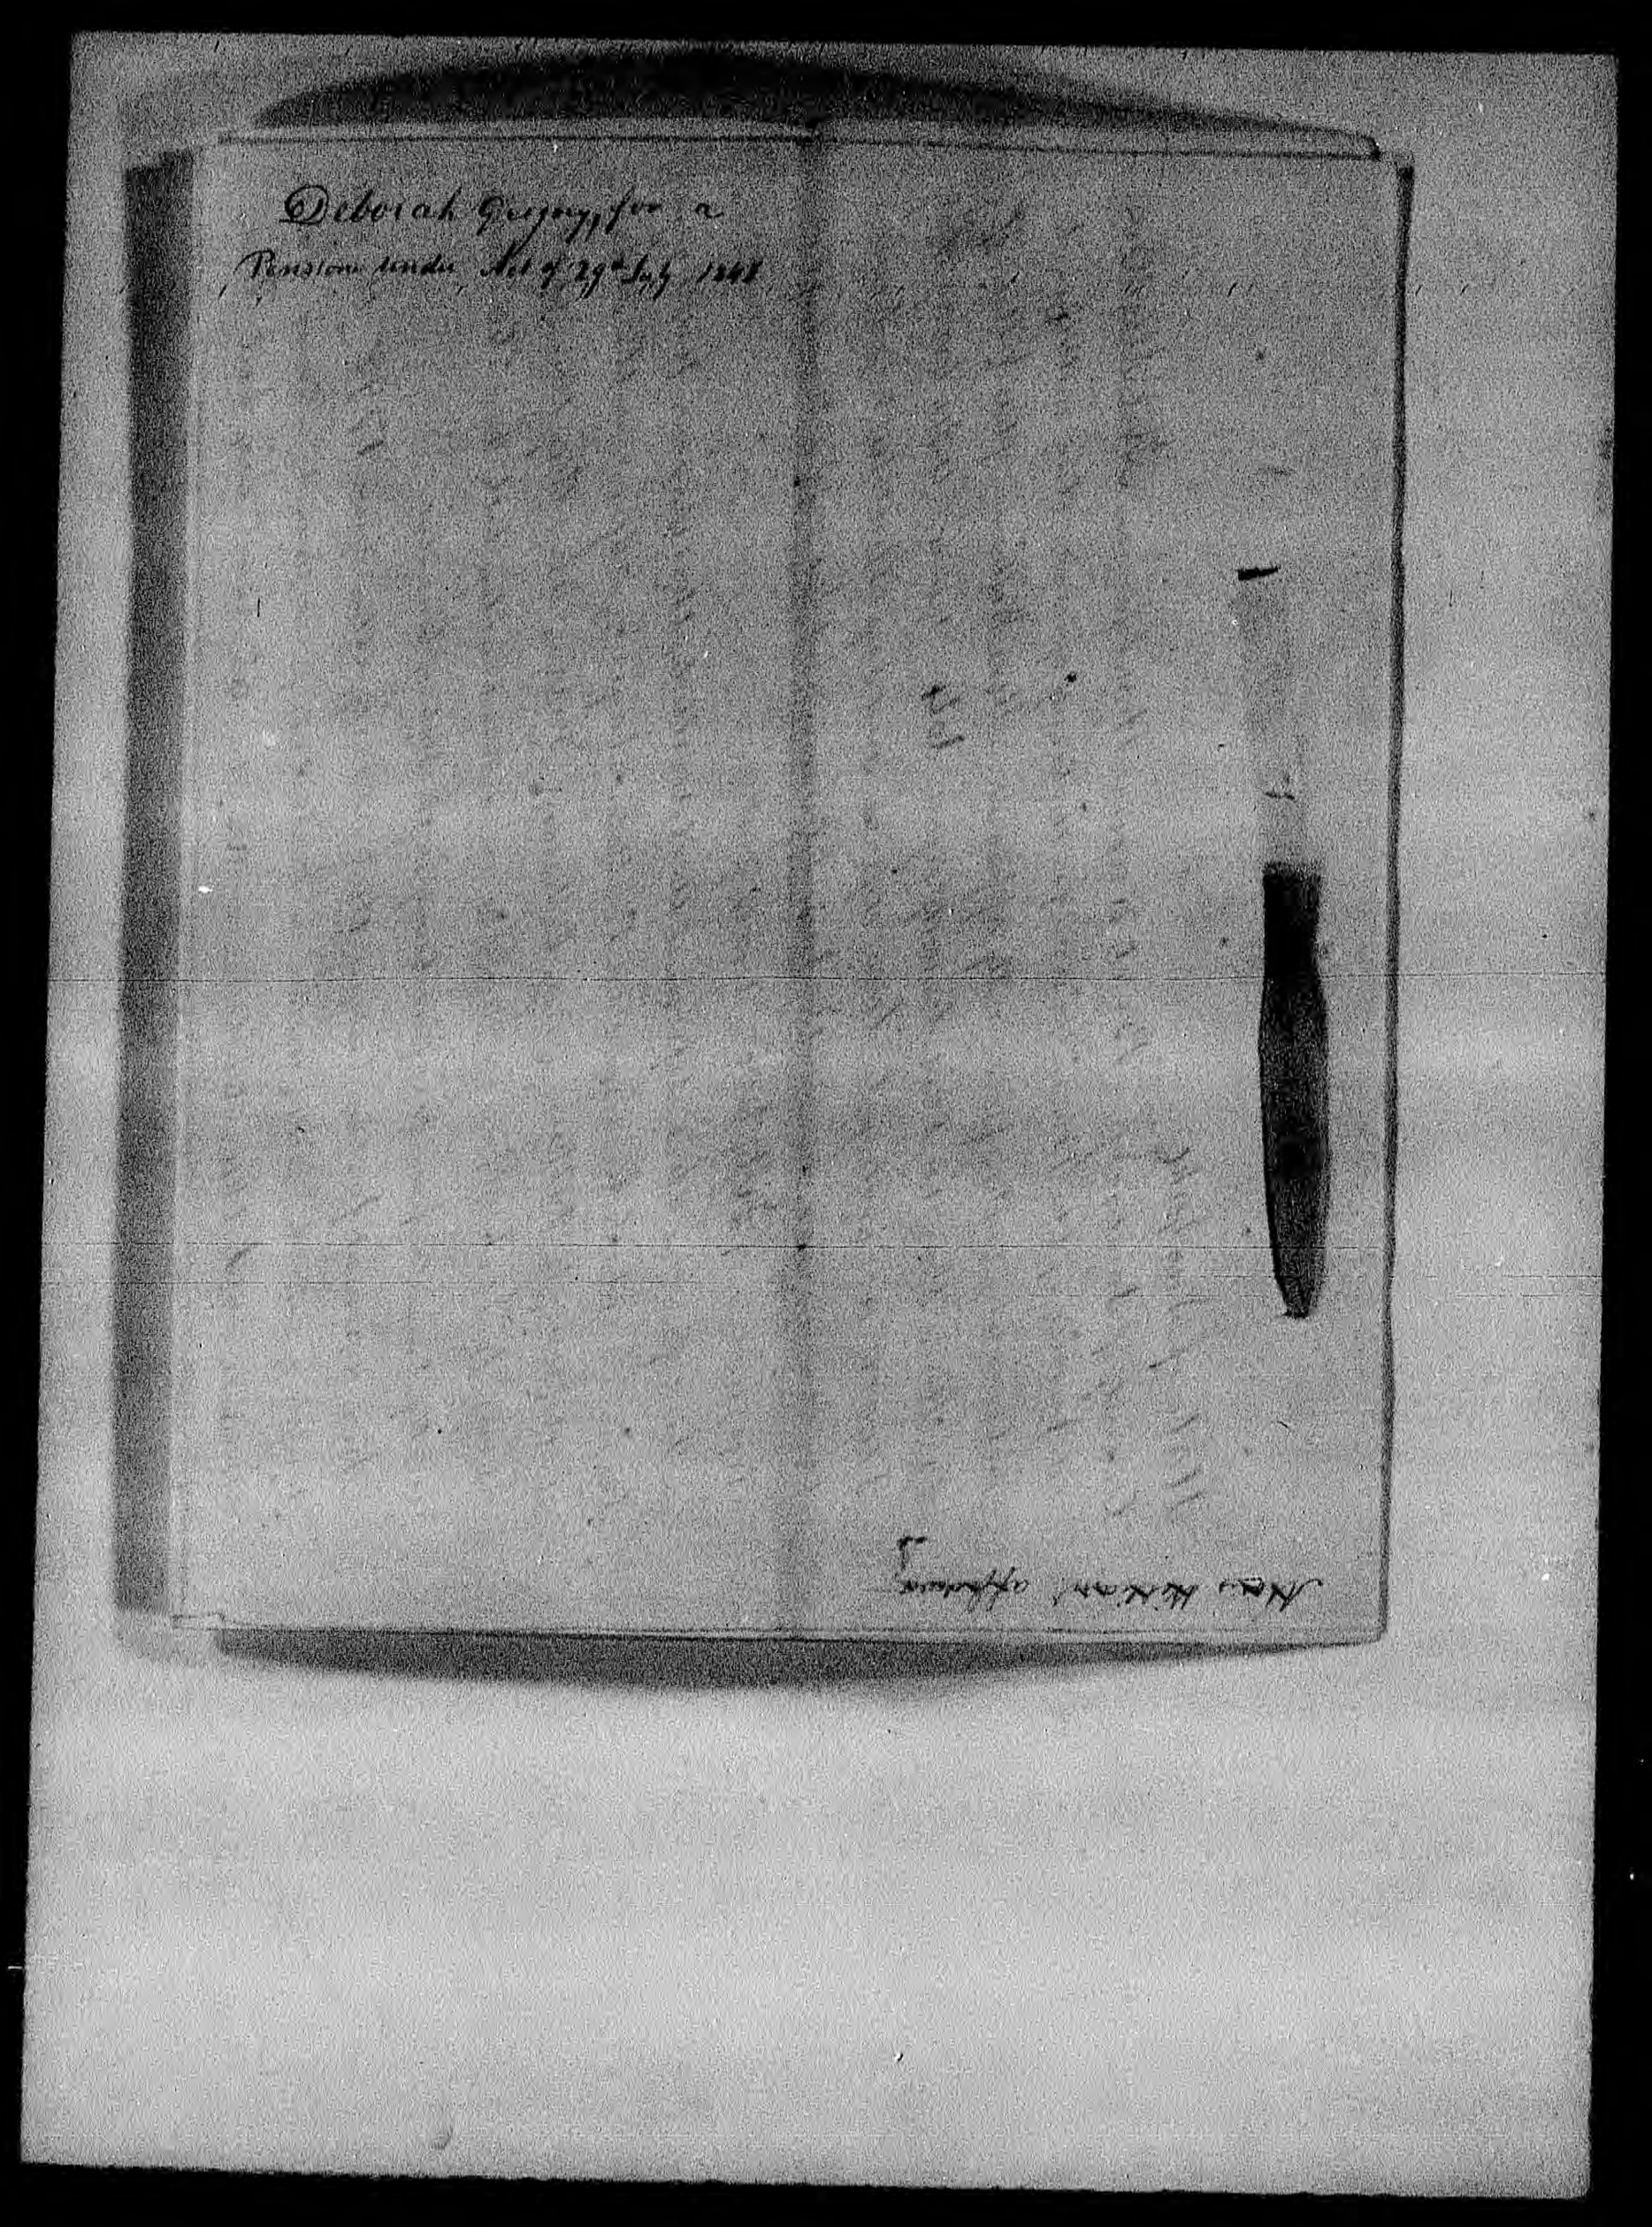Deborah Gregory for a
Pension under Act of 29 July 1841
Hn William affidavit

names: Deborah Gregory, Moses Williams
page: 25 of 34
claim: widow's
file: W. 1596, Joseph Gregory, Conn.